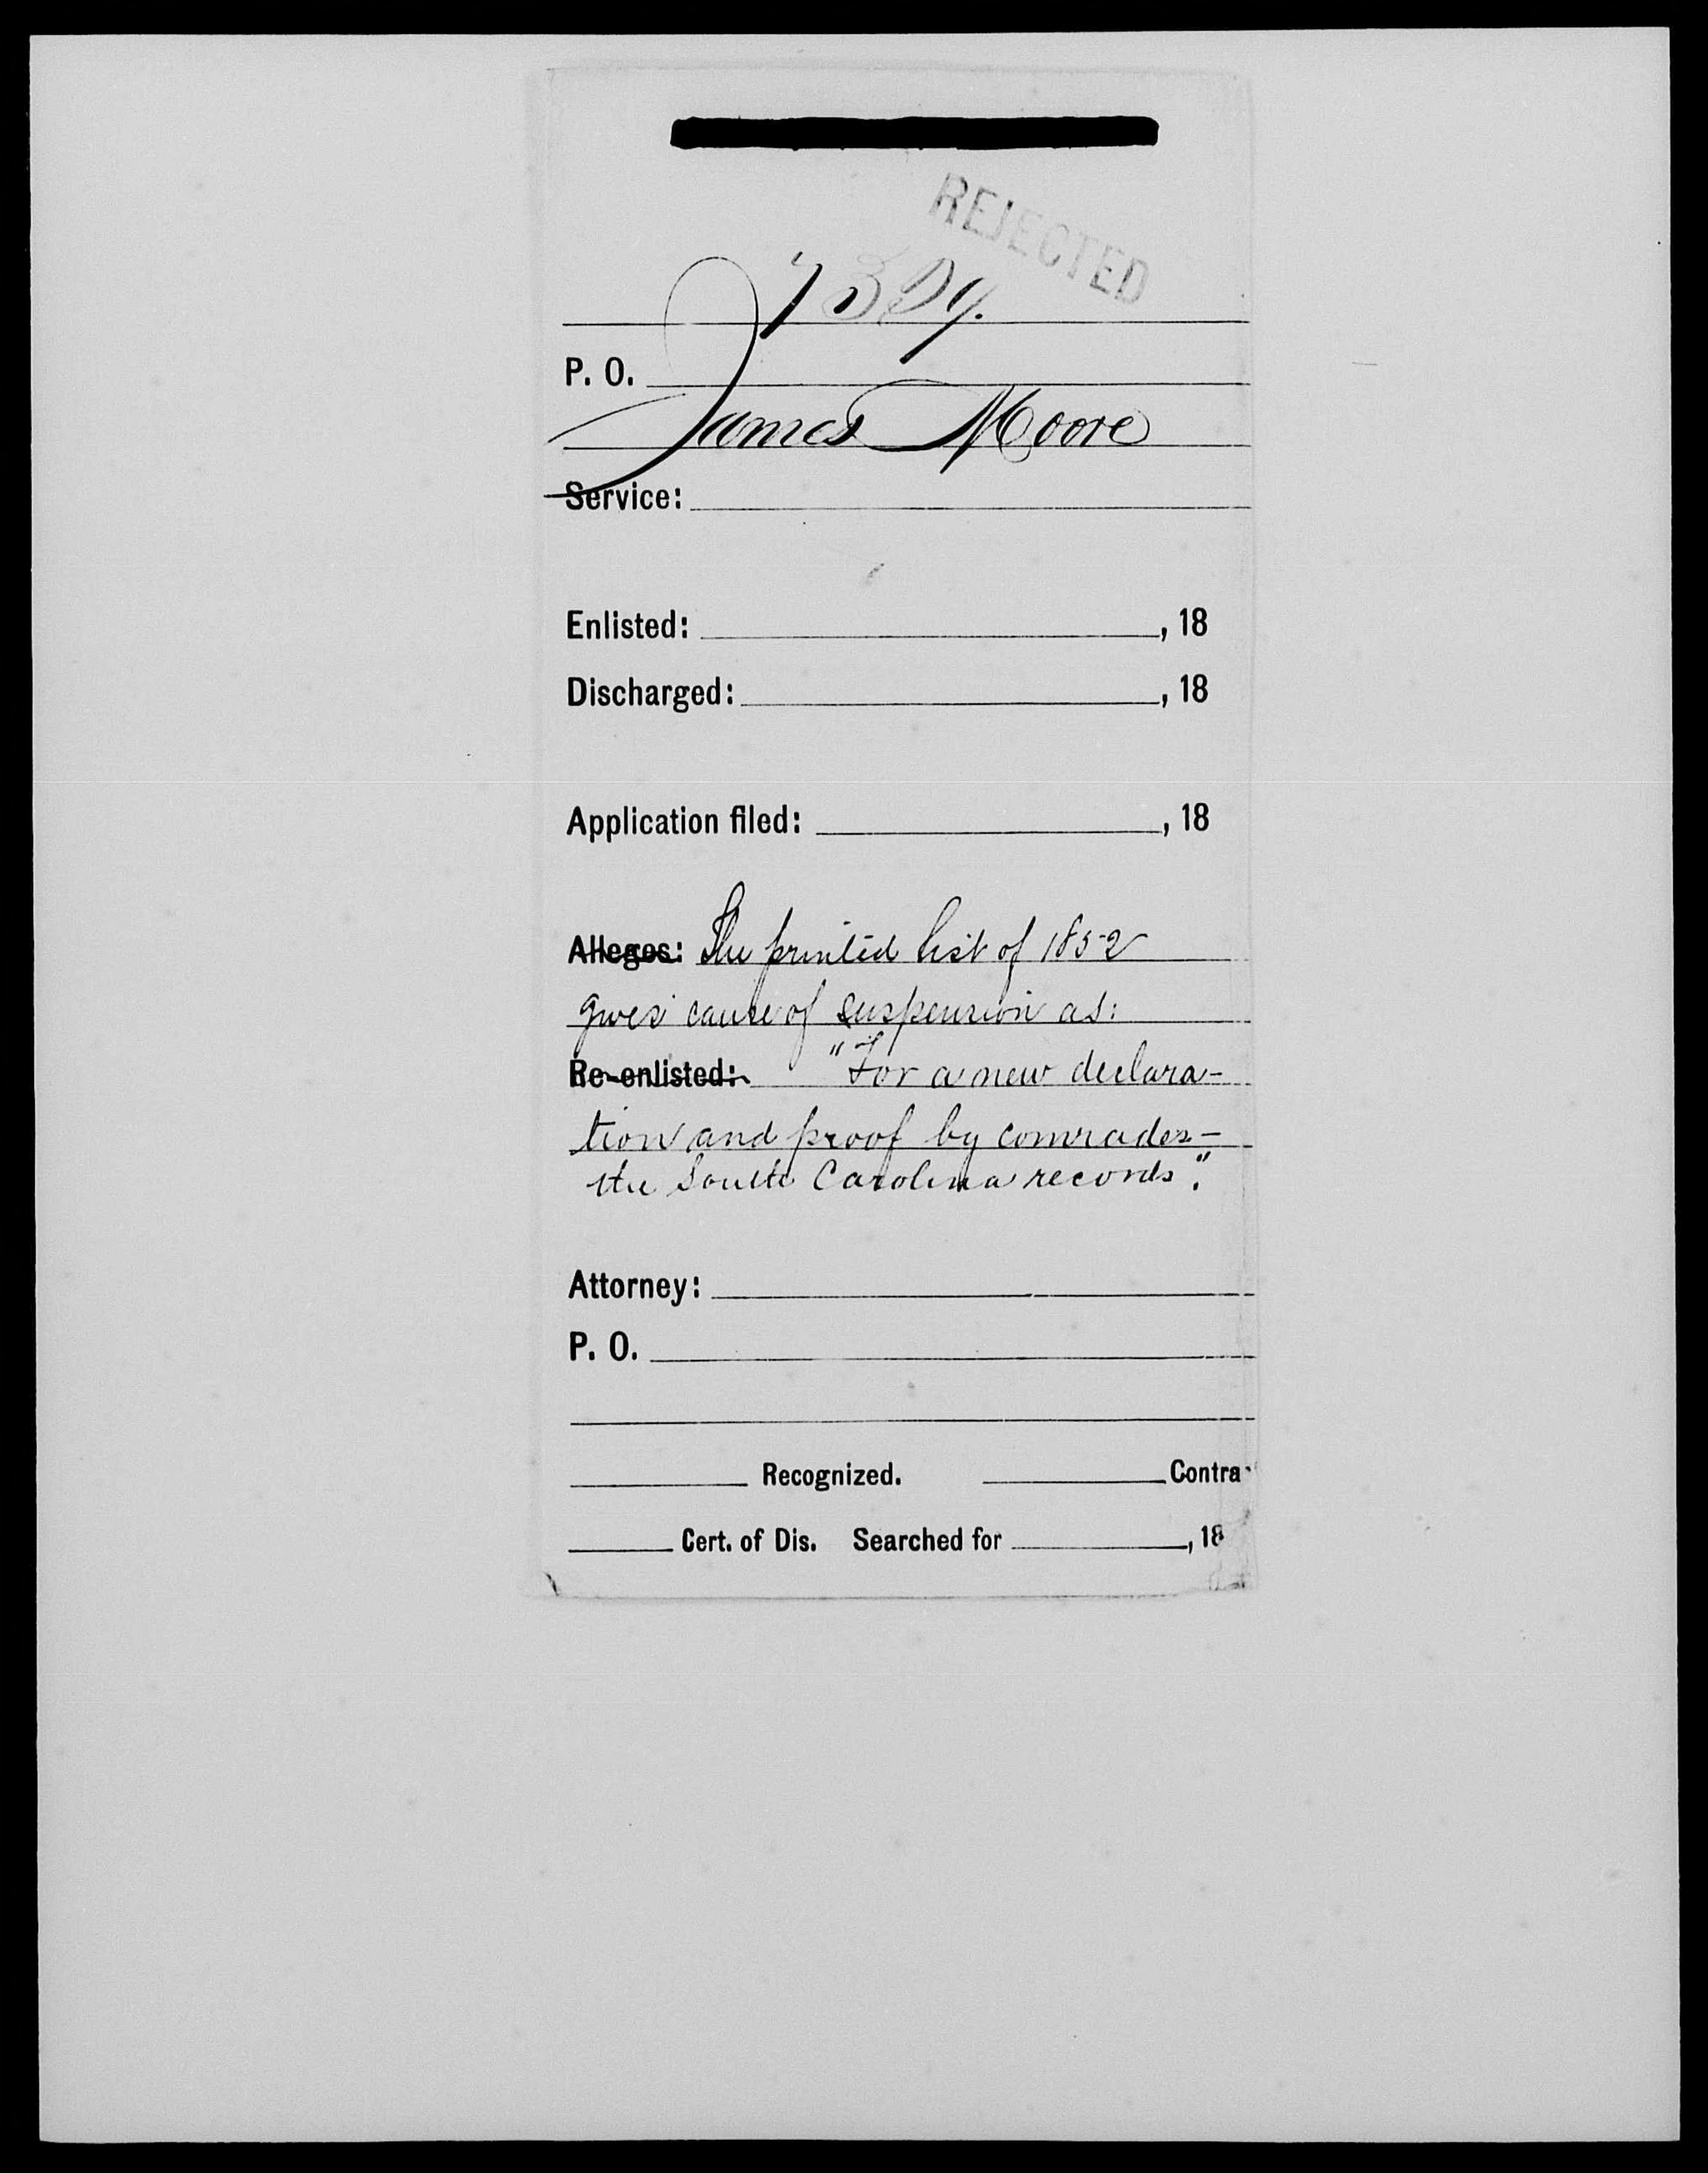REJECTED
7329
P.O.
James Moore
Service:

Enlisted:                   , 18
Discharged:            , 18
Application filed:   , 18

Alleges:   The printed list of 1852
gives cause of suspension as:
  
“For a new declaration and proof
by comrades- the South Carolina records.”

Attorney:
P. O. _
_____Recognized.   _____Contract.
Cert.  of  Dis.        Searched for, 18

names: James Moore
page: 13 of 17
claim: rejected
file: R 7329, for James More, South Carolina